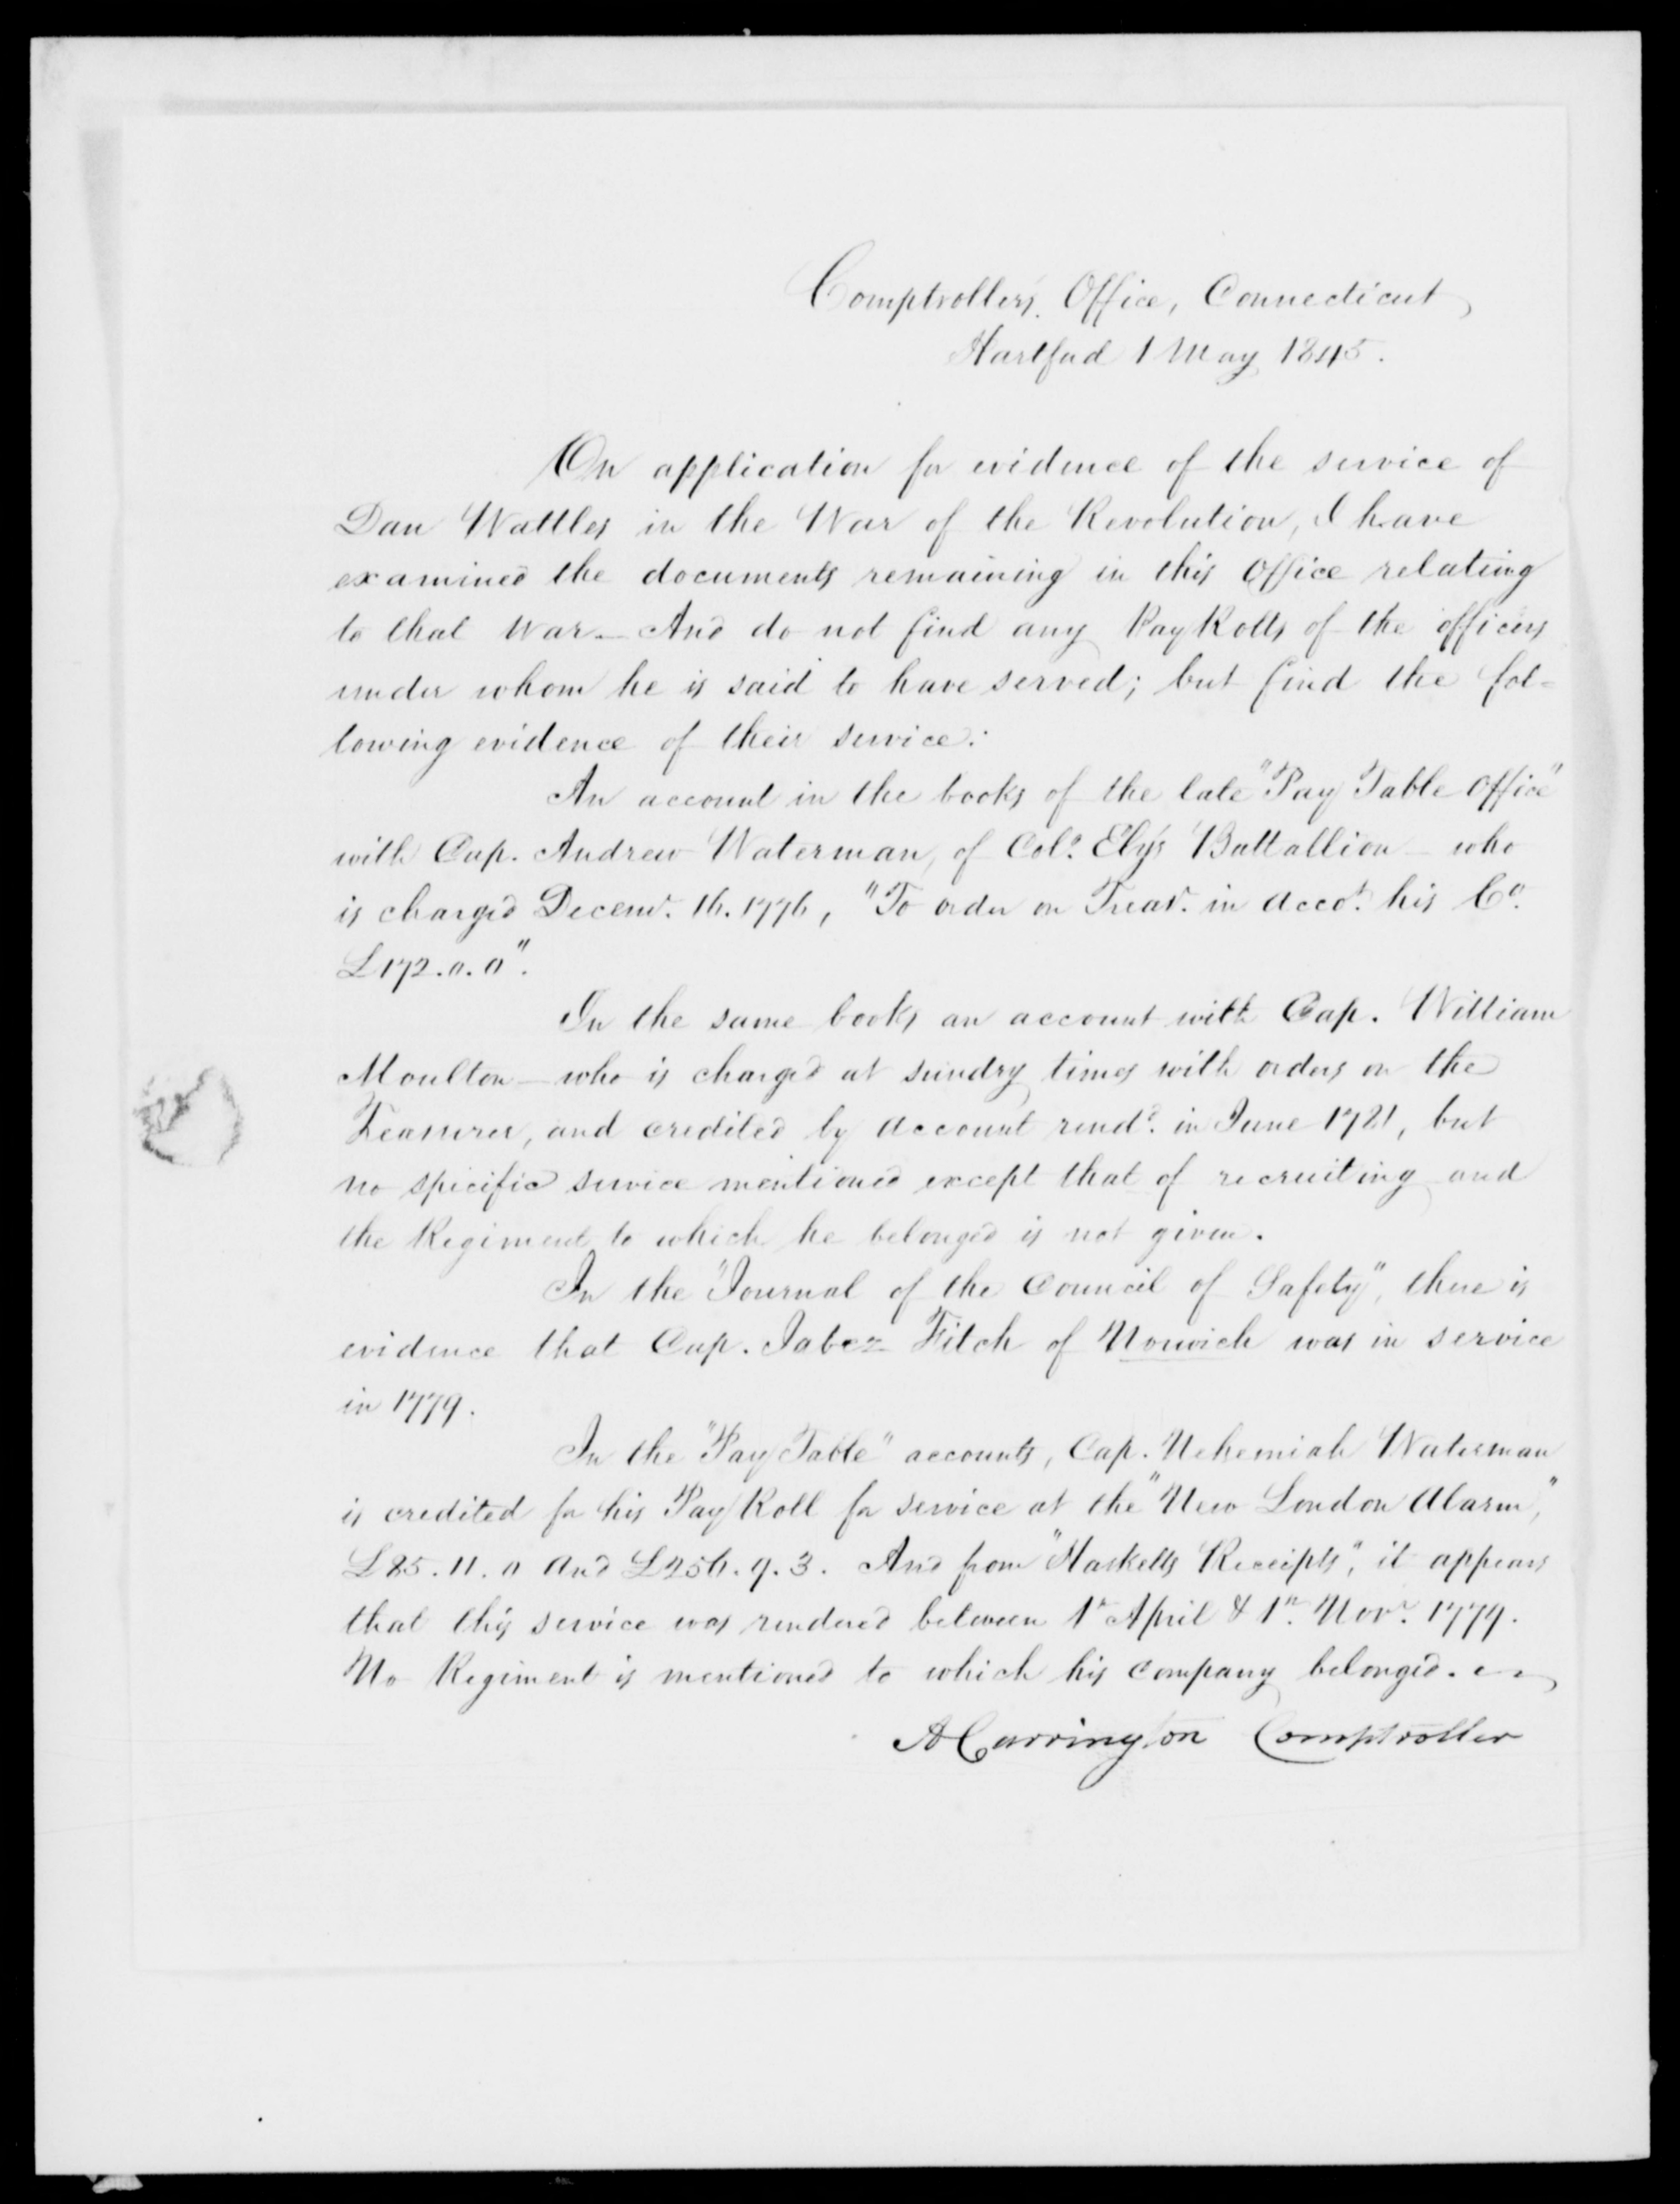Comptroller's Office, Connecticut 
Hartford  1  May 1845.

On application for evidence of the service of Dan Wattles in the War of the Revolution, I have examined the documents remaining in this office relating to that war, And do not find any Pay Rolls of the officers under whom he is  said to have served; but find the following evidence of their service.
An account in the books of the late "Pay Table Office"  with Cap. Andrew Waterman, of Col. Ely's Battalion, who is charged Decem. 16, 1776, "To order on Trea. in accot. his Co.  L172.0.0".
In the same books an account with Cap. William Moulton, who is charged at sundry times with orders on the  Treasurer, and credited by account rend? in June 1781, but no specific service mentioned except that of recruiting and the Regiment to which he belonged is not given.
In the "Journal of the Council of Safety"', there is evidence that Cap. Jabez Fitch of Norwich was in service in 1779.
In the "Pay Table" accounts, Cap. Nehemiah Waterman  is credited for his Pay Roll for service at the "New London Alarm",  L 85.11.0 and L 250. 9. 3.  And from "Haskell's Receipts", it appears that this service was rendered between 1st April & 1st Nov. 1779.  No Regiment is mentioned to which his company belonged.
A Carrington   Comptroller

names: Jabez Fitch, Dan Wattles, Andrew Waterman, Nehemiah Waterman, William Moulton, A Carrington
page: 46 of 70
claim: widow's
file: W. 3743, Dan Wattles, Conn.